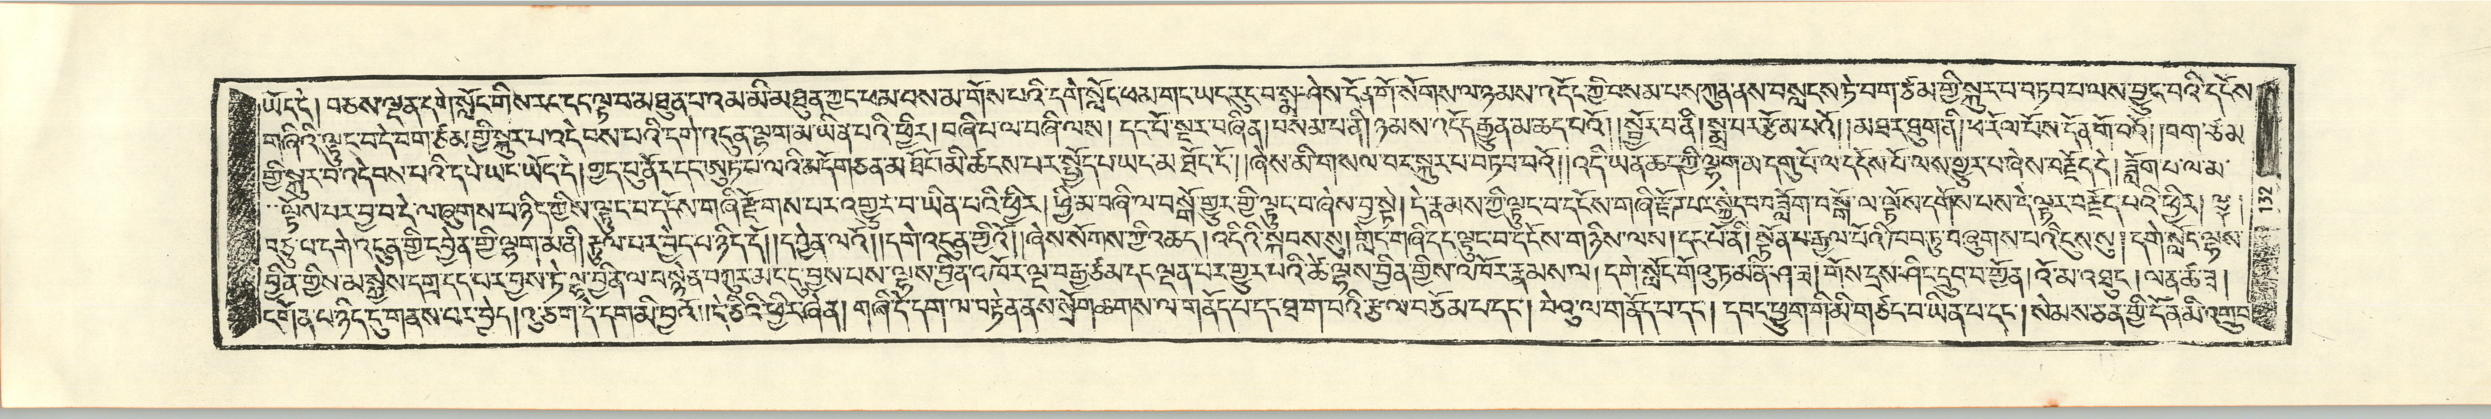ཡོད་དེ། བཅས་ལྡན་དགེ་སློང་གིས་རང་དང་ལྟ་བ་མཐུན་པ་འམ་མི་མཐུན་ཀྱང་ཕམ་པས་མ་གོས་པའི་དགེ་སློང་ཕམ་གང་ཡང་རུང་བ་སྨྲ་ཤེས་དོན་གོ་སོགས་ལ་ཉམས་འདོད་ཀྱི་བསམ་པས་ཀུན་ནས་བསླངས་ཏེ་བག་ཙམ་གྱི་སྐུར་བ་བཏབ་པ་ལས་བྱུང་བའི་དངོས་
གཞིའི་ལྟུང་བ་དེ་བག་ཙམ་གྱི་སྐུར་པ་འདེབས་པའི་དགེ་འདུན་ལྷག་མ་ཡིན་པའི་ཕྱིར། བཞི་པ་ལ་བཞི་ལས། དང་པོ་སྔར་བཞིན། བསམ་པ་ནི། ཉམས་འདོད་རྒྱུན་མ་ཆད་པའོ། །སྦྱོར་བ་ནི། སྨྲ་བར་རྩོམ་པའོ། །མཐར་ཐུག་ནི། ཕ་རོལ་པོས་དོན་གོ་བའོ། །བག་ཙམ་
གྱི་སྐུར་བ་འདེབས་པའི་དཔེ་ཡང་ཡོད་དེ། གྱད་པུ་ནོར་དང་ཨུཊ་པ་ལའི་མདོག་ཅན་མཐོང་ངོ། །མི་ཚངས་པར་སྤྱོད་པ་ཡང་མཐོང་ངོ། །ཞེས་མི་གསལ་བར་སྐུར་བ་བཏབ་བའོ། །འདི་ཡན་ཆད་ཀྱི་ལྷག་མ་དགུ་པོ་ལ་དངོས་པོ་ལས་གྱུར་པ་ཞེས་བརྗོད་དེ། ཟློག་པ་ལ་མ་ལྟོས་པར་བྱ་བ་དེ་ལ་ཞུགས་པ་ཉིད་ཀྱིས་ལྟུང་བ་དངོས་གཞི་རྫོགས་པར་འགྱུར་བ་ཡིན་པའི་ཕྱིར། ཕྱི་མ་བཞི་ལ་བསྒོ་གྱུར་གྱི་ལྟུང་བ་ཞེས་བྱ་སྟེ། དེ་རྣམས་ཀྱི་ལྟུང་བ་དངོས་གཞི་རྫོགས་པར་སྐྱེད་བ་བཟློག་བསྒོ་ལ་ལྟོས་དགོས་པས་དེ་ལྟར་བརྗོད་པའི་ཕྱིར། ༈ །
བཅུ་པ་དགེ་འདུན་གྱི་དབྱེན་གྱི་ལྷག་མ་ནི། རྟུལ་པར་བྱེད་པ་ཉིད་དོ། །དབྱེ་ན་ལའོ། །དགེ་འདུན་གྱིའོ། །ཞེས་སོགས་ཀྱི་འཆད། འདིའི་སྐབས་སུ། གླེང་གཞི་དང་ལྟུང་བ་དངོས་གཉིས་ལས། དང་པོ་ནི། སྟོན་པ་རྒྱལ་པོའི་ཁབ་ཏུ་བཞུགས་པའི་དུས་སུ། དགེ་སློང་ལྷས་
བྱིན་གྱིས་མ་སྐྱེས་དགྲ་དད་པར་བྱས་ཏེ་ལྷ་བྱིན་ལ་བསྙེན་བཀུར་མང་དུ་བྱས་པས་ལྷས་བྱིན་འཁོར་ལྔ་བརྒྱ་ཙམ་དང་ལྡན་པར་གྱུར་པའི་ཚེ་ལྷས་བྱིན་གྱིས་འཁོར་རྣམས་ལ། དགེ་སློང་གོའུ་ཏ་མ་ནི་ཤ་ཟ། གོས་དྲས་ཤིང་དྲུབ་བ་གྱོན། འོ་མ་འཐུང་། ལན་ཚ་ཟ།
དགོན་པ་ཉིད་དུ་གནས་པར་བྱེད། འུ་ཅག་དེ་དག་མི་བྱའོ། །དེ་ཅིའི་ཕྱིར་ཞེ་ན། གཞི་དེ་དག་ལ་བརྟེན་ནས་སྲོག་ཆགས་ལ་གནོད་པ་དང་ཐ་ག་པའི་རྩལ་བཅོམ་པ་དང་། བེའུ་ལ་གནོད་པ་དང་། དབང་ཕྱུག་གི་མི་གཙང་བ་ཡིན་པ་དང་། སེམས་ཅན་གྱི་དོན་མི་འགྲུབ་